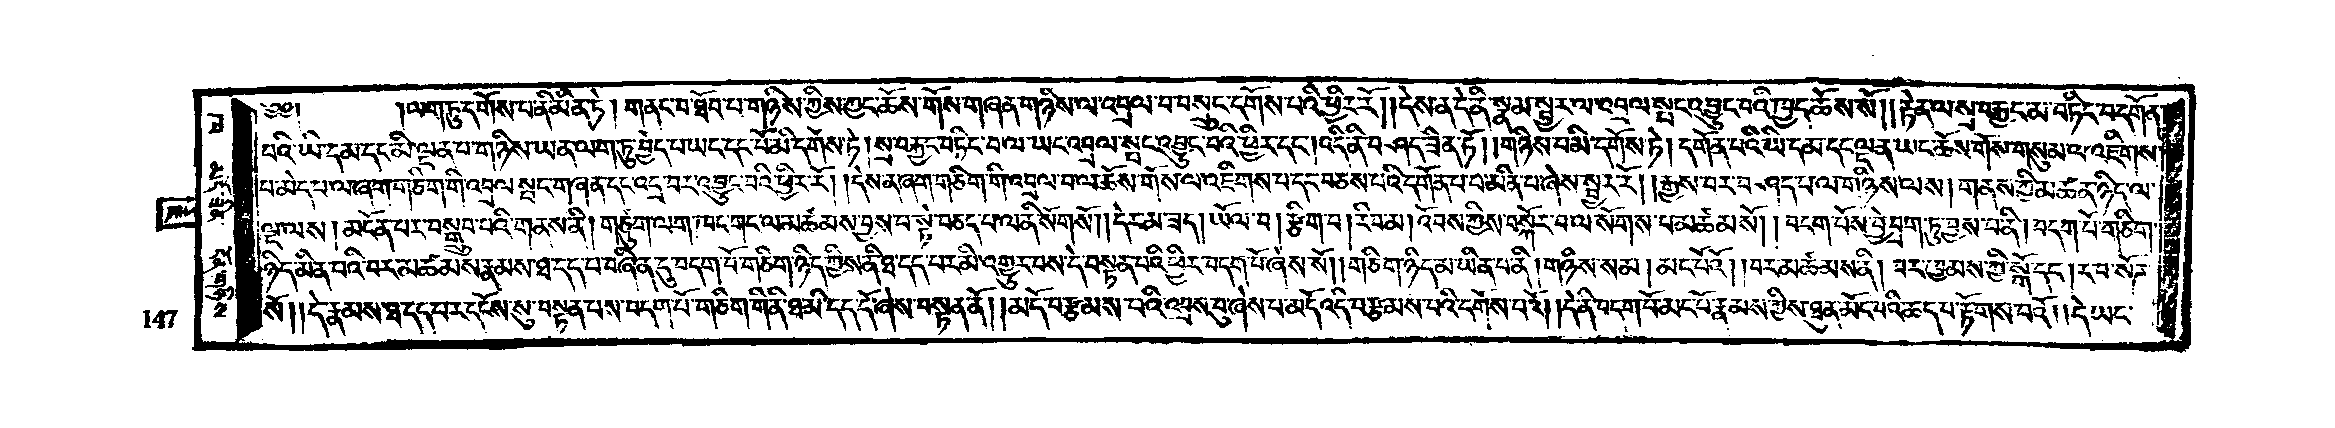༄༅། །ལག་ཏུ་དགོས་པ་ནི་མིན་ཏེ། གནང་བ་ཐོབ་པ་གཉིས་ཀྱིས་ཀྱང་ཆོས་གོས་གཞན་གཉིས་ལ་འབྲལ་བ་བསྲུང་དགོས་པའི་ཕྱིར་རོ། །དེས་ན་དེ་ནི་སྣམ་སྦྱར་ལ་འབྲལ་སྤང་འབྱུང་བའི་ཁྱད་ཆོས་སོ། །རྟེན་ལ་སྲ་བརྐྱང་མ་བཏིང་བ་དགོན་
པའི་ཡི་དམ་དང་མི་ལྡན་པ་གཉིས་ཡན་ལག་ཏུ་བྱེད་པ་ཡང་དང་པོ་མི་དགོས་ཏེ། སྲ་བརྐྱང་བཏིང་བ་ལ་ཡང་འབྲལ་སྤང་འབྱུང་བའི་ཕྱིར་དང་། འདི་ནི་བཤད་ཟིན་ཏོ། །གཉིས་པ་མི་དགོས་ཏེ། དགོན་པའི་ཡི་དམ་དང་ལྡན་ཡང་ཆོས་གོས་གསུམ་ལ་འཇིགས་
པ་མེད་པ་ལ་ཞག་གཅིག་གི་འབྲལ་སྤང་གཞན་དང་འདྲ་བར་འབྱུང་བའི་ཕྱིར་རོ། །དེས་ན་ཞག་གཅིག་གི་འབྲལ་བ་ལ་ཆོས་གོས་ལ་འཇིགས་པ་དང་བཅས་པའི་དགོན་པ་པ་མིན་པ་ཞེས་སྦྱར་རོ། །རྒྱས་པར་བཤད་པ་ལ་གཉིས་ལས། གནས་ཀྱི་མཚན་ཉིད་ལ་
ལྔ་ལས། མངོན་པར་བསྒྲུབ་པའི་གནས་ནི། གཙུག་ལག་ཁང་གང་ལ་མཚམས་བྱས་པ་སྟེ་བཅད་པ་ལ་ནི་སོགས་སོ། །དེར་མ་ཟད། ཡོལ་བ། རྩིག་པ། རིབ་མ། འོབས་ཀྱིས་བསྐོར་བ་ལ་སོགས་པ་མཚམས་སོ། །བདག་པོས་བྱེ་བྲག་ཏུ་བྱས་པ་ནི། བདག་པོ་གཅིག་
ཉིད་མིན་པའི་བར་མཆམས་རྣམས་ཐ་དད་པ་བཞིན་དུ་བདག་པོ་གཅིག་ཉིད་ཀྱིས་ནི་ཐ་དད་པར་མི་འགྱུར་བས་དེ་བསྟན་པའི་ཕྱིར་བདག་པོ་ཞེས་སོ། །གཅིག་ཉིད་མ་ཡིན་པ་ནི། གཉིས་སམ། མང་པོའོ། །བར་མཚམས་ནི། བར་ཁྱམས་ཀྱི་སྒོ་དང་། ར་བ་སོགས་
སོ། །དེ་རྣམས་ཐ་དད་པར་དངོས་སུ་བསྟན་པས་བདག་པོ་གཅིག་གི་ནི་ཐ་མི་དད་དོ་ཞེས་བསྟན་ནོ། །མདོ་བརྩམས་པའི་འབྲས་བུ་ཞེས་པ་མདོ་འདི་བརྩམས་པའི་དགོས་པའོ། །དེ་ནི་བདག་པོ་མང་པོ་རྣམས་ཀྱིས་ཐུན་མོང་པའི་ཆད་པ་རྟོགས་པའོ། །དེ་ཡང་